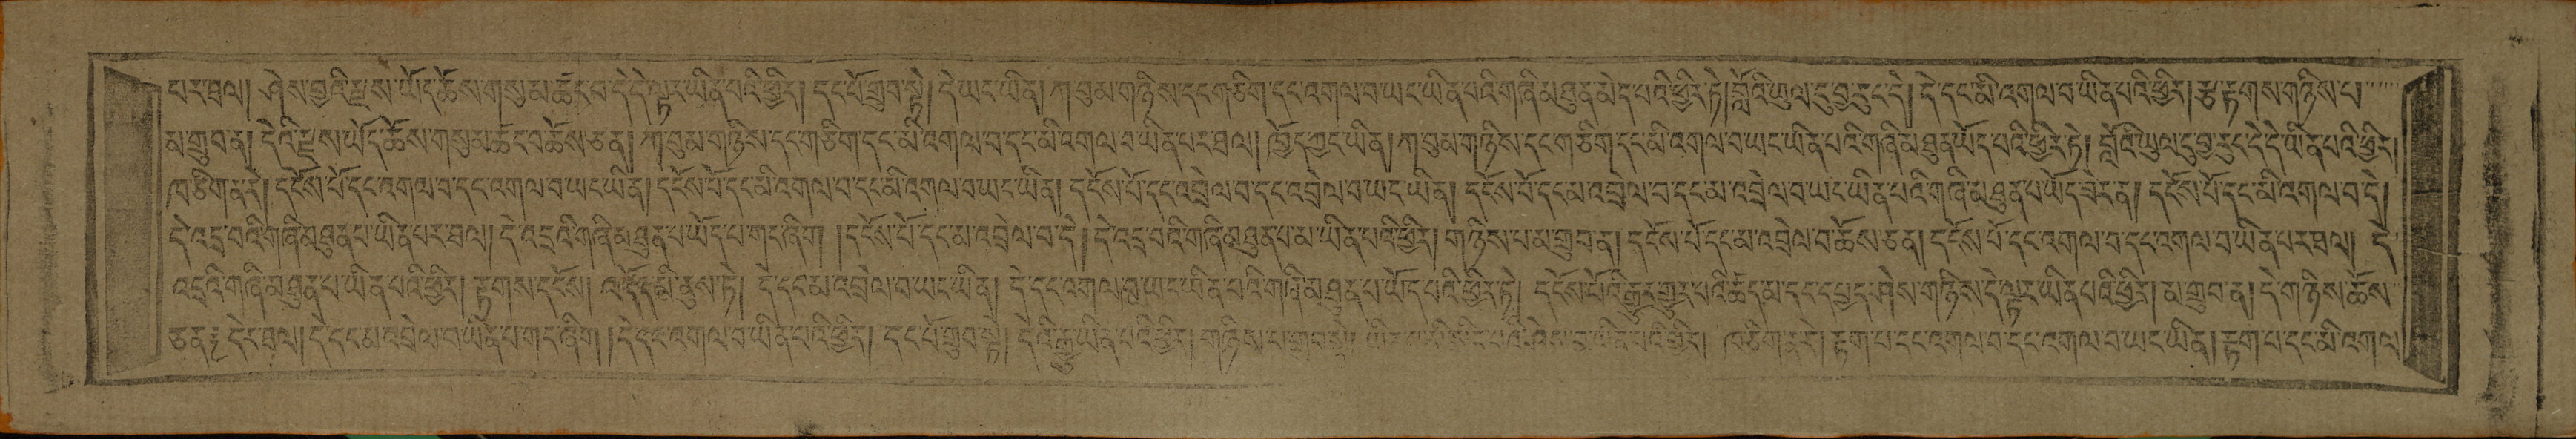པར་ཐལ། ཤེས་བྱའི་རྫས་ཡོད་ཆོས་གསུམ་ཚང་བ་དེ་དེ་ལྟར་ཡིན་པའི་ཕྱིར། དང་པོ་གྲུབ་སྟེ། དེ་ཡང་ཡིན། ཀ་བུམ་གཉིས་དང་གཅིག་དང་འགལ་བ་ཡང་ཡིན་པའི་གཞི་མཐུན་མེད་པའི་ཕྱིར་ཏེ། བློའི་ཡུལ་དུ་བྱ་རུང་དེ། དེ་དང་མི་འགལ་བ་ཡིན་པའི་ཕྱིར། རྩ་རྟགས་གཉིས་པ་
མ་གྲུབ་ན། དེའི་རྫས་ཡོད་ཆོས་གསུམ་ཚང་བ་ཆོས་ཅན། ཀ་བུམ་གཉིས་དང་གཅིག་དང་མི་འགལ་བ་དང་མི་འགལ་བ་ཡིན་པར་ཐལ། ཁྱོད་ཀྱང་ཡིན། ཀ་བུམ་གཉིས་དང་གཅིག་དང་མི་འགལ་བ་ཡང་ཡིན་པའི་གཞི་མཐུན་ཡོད་པའི་ཕྱིར་ཏེ། བློའི་ཡུལ་དུ་བྱ་རུང་དེ་དེ་ཡིན་པའི་ཕྱིར།
ཁ་ཅིག་ན་རེ། དངོས་པོ་དང་འགལ་བ་དང་འགལ་བ་ཡང་ཡིན། དངོས་པོ་དང་མི་འགལ་བ་དང་མི་འགལ་བ་ཡང་ཡིན། དངོས་པོ་དང་འབྲེལ་བ་དང་འབྲེལ་བ་ཡང་ཡིན། དངོས་པོ་དང་མ་འབྲེལ་བ་དང་མ་འབྲེལ་བ་ཡང་ཡིན་པའི་གཞི་མཐུན་པ་ཡོད་ཟེར་ན། དངོས་པོ་དང་མི་འགལ་བ་དེ།
དེ་འདྲ་བའི་གཞི་མཐུན་པ་ཡིན་པར་ཐལ། དེ་འདྲའི་གཞི་མཐུན་པ་ཡོད་པ་གང་ཞིག །དངོས་པོ་དང་མ་འབྲེལ་བ་དེ། དེ་འདྲ་བའི་གཞི་མཐུན་པ་མ་ཡིན་པའི་ཕྱིར། གཉིས་པ་མ་གྲུབ་ན། དངོས་པོ་དང་མ་འབྲེལ་བ་ཆོས་ཅན། དངོས་པོ་དང་འགལ་བ་དང་འགལ་བ་ཡིན་པར་ཐལ། དེ་
འདྲའི་གཞི་མཐུན་པ་ཡིན་པའི་ཕྱིར། རྟགས་དངོས། འདོད་མི་ནུས་ཏེ། དེ་དང་མ་འབྲེལ་བ་ཡང་ཡིན། དེ་དང་འགལ་བ་ཡང་ཡིན་པའི་གཞི་མཐུན་པ་ཡོད་པའི་ཕྱིར་ཏེ། དངོས་པོའི་རྒྱུར་གྱུར་པའི་ཚད་མ་དང་དཔྱད་ཤེས་གཉིས་དེ་ལྟར་ཡིན་པའི་ཕྱིར། མ་གྲུབ་ན། དེ་གཉིས་ཆོས་
ཅན༑ དེར་ཐལ། དེ་དང་མ་འབྲེལ་བ་ཡིན་པ་གང་ཞིག །དེ་དང་འགལ་བ་ཡིན་པའི་ཕྱིར། དང་པོ་གྲུབ་སྟེ། དེའི་རྒྱུ་ཡིན་པའི་ཕྱིར། གཉིས་པ་གྲུབ་སྟེ། ཡིན་པ་མི་སྲིད་པའི་ཤེས་བྱ་ཡིན་པའི་ཕྱིར། ཁ་ཅིག་ན་རེ། རྟག་པ་དང་འགལ་བ་དང་འགལ་བ་ཡང་ཡིན། རྟག་པ་དང་མི་འགལ་